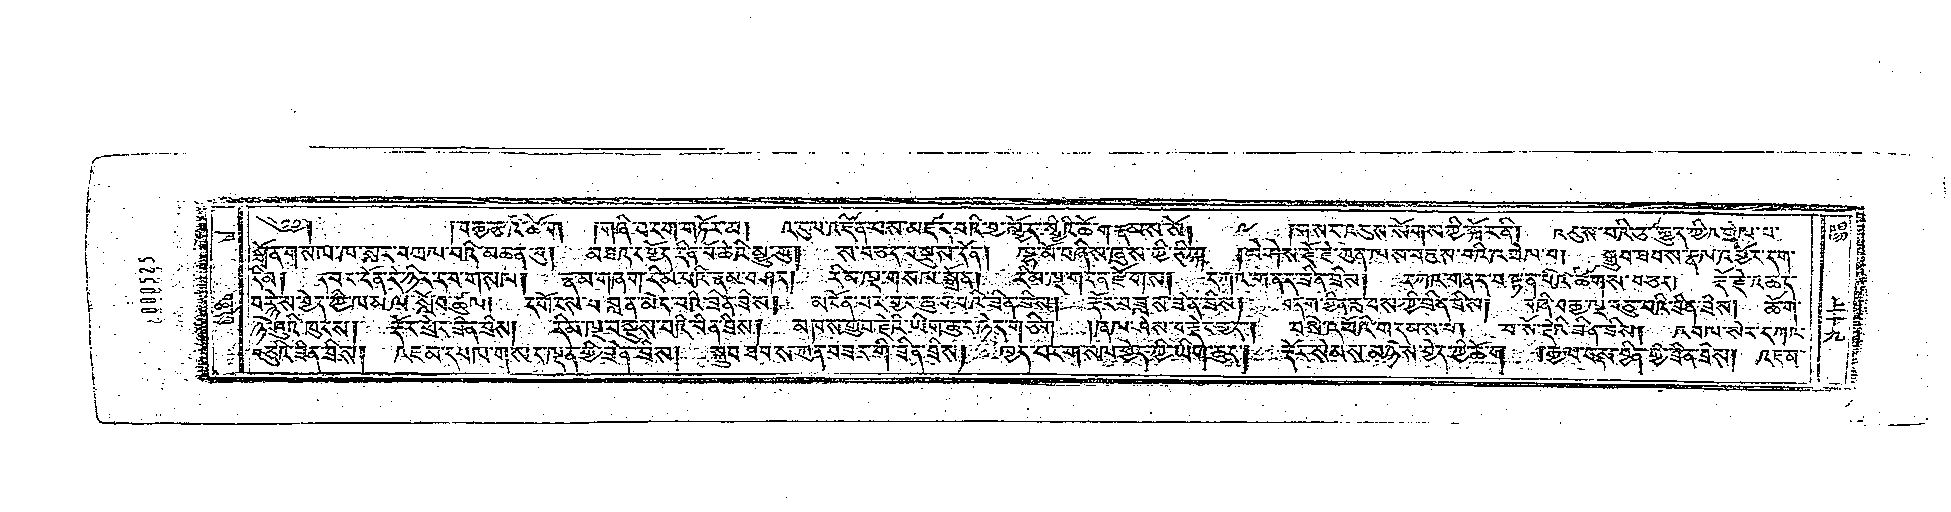༄༅། །བརྒྱ་རྩའི་ཚེ་ག །གཞི་བདག་གཏོར་མ། འདུལ་འཛིན་པས་མཛད་བའི་བྱ་སྤྱོད་སྤྱིའི་ཆོ་ག་རྣམས་སོ། ༧་།གསང་འདུས་སོགས་ཀྱི་སྐོར་ནི། འདུས་པའི་ཙ་རྒྱུད་ཀྱི་འགྲེལ་པ་
སྒྲོན་གསལ་ལ་སླར་བཀྲལ་བའི་མཆན་བུ། མཐའ་དཔྱོད་རིན་པོ་ཆེའི་མྱུ་གུ། ས་བཅད་བསྡུས་དོན། ལྷ་མོ་བཞིས་ཞུས་ཀྱི་ཊིཀྐ །མེ་ཤེས་རྡོ་རྗེ་ཀུན་ལས་བཏུས་པའི་འགྲེལ་པ། སྒྲུབ་ཐབས་རྣལ་འབྱོར་དག་
རིམ། དབང་དོན་དེ་ཉིད་རབ་གསལ། རྣམ་གཞག་རིམ་པའི་རྣམ་བཤད། རིམ་ལྔ་གསལ་སྒྲོན། རིམ་ལྔ་གདན་རྫོགས། དཀའ་གནད་ཟིན་བྲིས། དཀའ་གནད་བསྟན་པའི་ཚིགས་བཅད། རྡོ་རྗེ་འཆད་
བརྙེས་བྱེད་ཀྱི་ལམ་ལ་སློབ་ཚུལ། དགོངས་པ་བླ་ན་མེད་པའི་ཟིན་བྲིས། མངོན་པར་བྱང་ཆུབ་པའི་ཟིན་བྲིས། རྡོར་བཟླས་ཟིན་བྲིས། བདག་བྱིན་རླབས་ཀྱི་ཟིན་བྲིས། བཞི་བརྒྱ་ལྔ་བཅུ་པའི་ཟིན་བྲིས། ཆོག་
ཉི་ཤུའི་ཁུངས། རྡོར་ཕྲེང་ཟིན་བྲིས། རིམ་ལྔ་བསྡུས་བའི་ཟིན་བྲིས། མཁས་གྲུབ་རྗེའི་ཡིག་ཆུང་ཉེད་གཅིག །ཞལ་ཤེས་བརྗེད་བྱང་། བསྲེ་འཕོའི་གདམས་པ། བ་སོ་རྗེའི་ཟིན་བྲིས། འབལ་སེར་དཀའ་
བཅུའི་ཟིན་བྲིས། འཇམ་དཔལ་གསང་ལྡན་གྱི་ཟིན་བྲིས། སྒྲུབ་ཐབས་ཀུན་བཟང་གི་ཟིན་བྲིས། ཁྱད་པར་གསལ་ཕྱེད་ཀྱི་ཡིག་ཆུད། རྡོར་སེམས་མ་ཉེས་བྱེད་ཀྱི་ཆོ་ག །རྒྱལ་བས་བྱིན་གྱི་ཟིན་བྲིས། འཇམ་